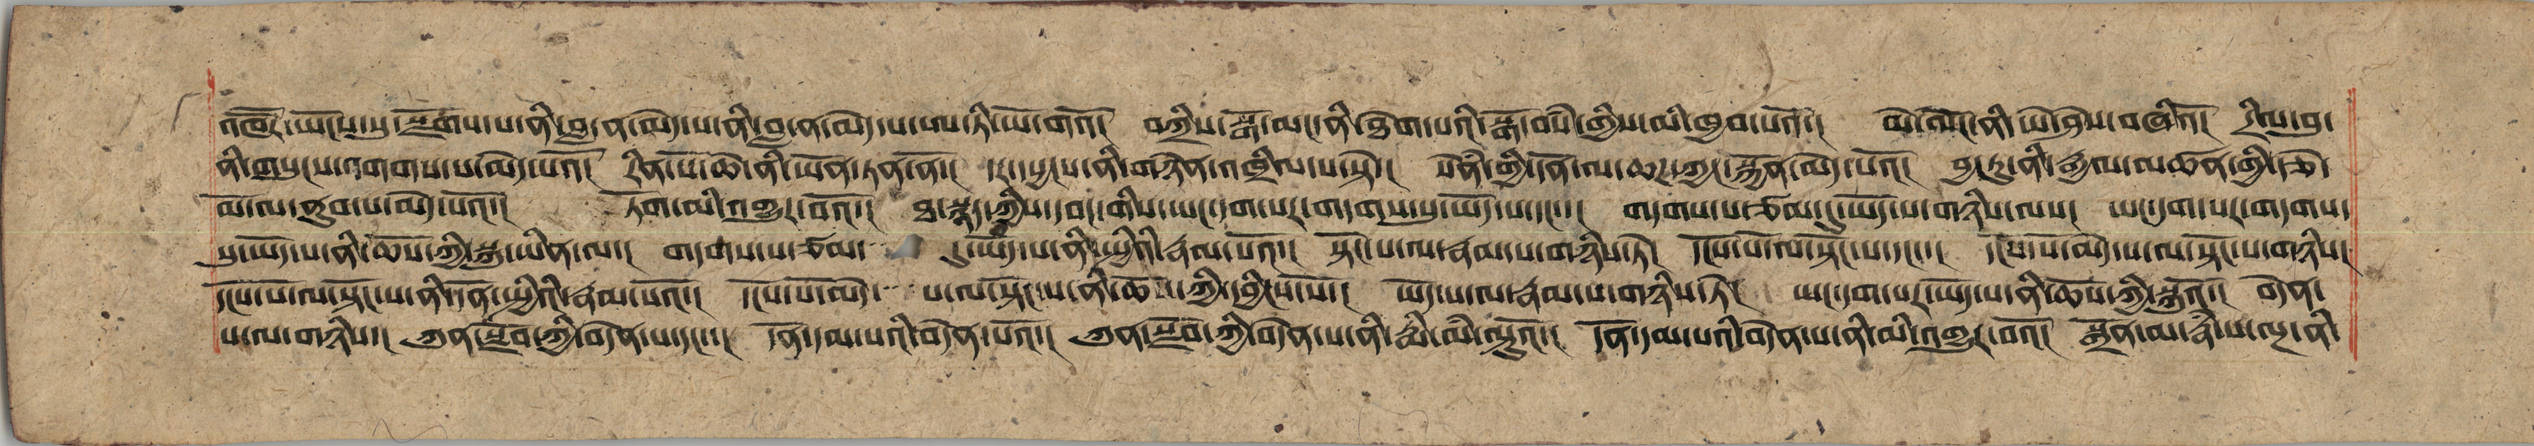འཁཽར་ཡོངས་སུ་སྫོགས་པ་ནི་བླ་ན་མེད་པ་ནི་བླ་ནམེད་པ་ཨ་ཏི་ཡོ་གའོ། བཀྲིས་སྒོ་མང་ནི་ཐེག་པའི་སྒོ་བསཾ་གྱིས་མི་ཁྱབ་པའོ་། མེ་ལོང་ནི་ཡེ་ཤེས་བཞིའོ། དྲིལ་བུ་
ནི་གསུངས་འགགས་པ་མེད་པའོ་། རིན་པོ་ཆེ་ནི་ཡོན་ཏན་ནོ་། དར་དཔྱངས་ནི་གཉེན་འཁྲིལ་པ་སྟེ་། སེཾན་གྱི་དོན་ལ་ཆཌ་ཀྱང་སྐྱོན་མེད་པའོ་། བྱ་ཏུ་ནི་རྒྱལ་མཚན་གྱི་རྩེ་
མོ་ལ་ནུབ་པ་མེད་པའོ་། ཏོག་མི་འགྱུར་བའོ་། ཐ་སྙད་ཀྱིས་དབང་གིས་ཡང་དག་པར་གདགས་སུ་ཡོད་པ་དང་། གདགས་པ་ཙམ་དུ་ཡོད་པ་གཉིས་ལས་། ཡང་དག་པར་གདགས་
སུ་ཡོད་པ་ནི་ཆོས་ཀྱི་སྐུ་ཡིན་ལ་། གདགས་པ་ཙམ་ དུ་ཡོད་པ་ནི་སྤྱིའི་རྣམ་པའོ་། སྟོང་པ་ལ་རྣམ་པ་གཉིས་ཏེ། དངོས་པོ་ལ་སྟོང་པ་དང་་། དངོས་པོ་མེད་པ་ལ་སྟོང་པ་གཉིས།
དངོས་པོ་ལ་སྟོང་པ་ནི་དོན་སྤྱིའི་རྣམ་པའོ་། དངོས་པོ་མེད་ པ་ལ་སྟོང་པ་ནི་ཆོས་ཀྱི་དབྱིངས་སོ་། ཡོད་པ་ལ་རྣམ་པ་གཉིས་ཏེ་། ཡང་དག་པར་ཡོད་པ་ནི་ཆོས་ཀྱི་སྐུའོ་། བདེན་
པ་ལ་གཉིས་། ཀུན་སྫོབ་ཀྱི་བདེན་པ་དང་་། དོན་དམ་པའི་བདེན་པའོ་། ཀུན་སྫོབ་ཀྱི་བདེན་པ་ནི་རྨི་ལཾ་ལྟུའོ་། དོན་དམ་པའི་བདེན་པ་ནི་མི་འགྱུར་བའོ། སྒྲོན་མ་རྣཾ་པ་ལྔ་ནི་